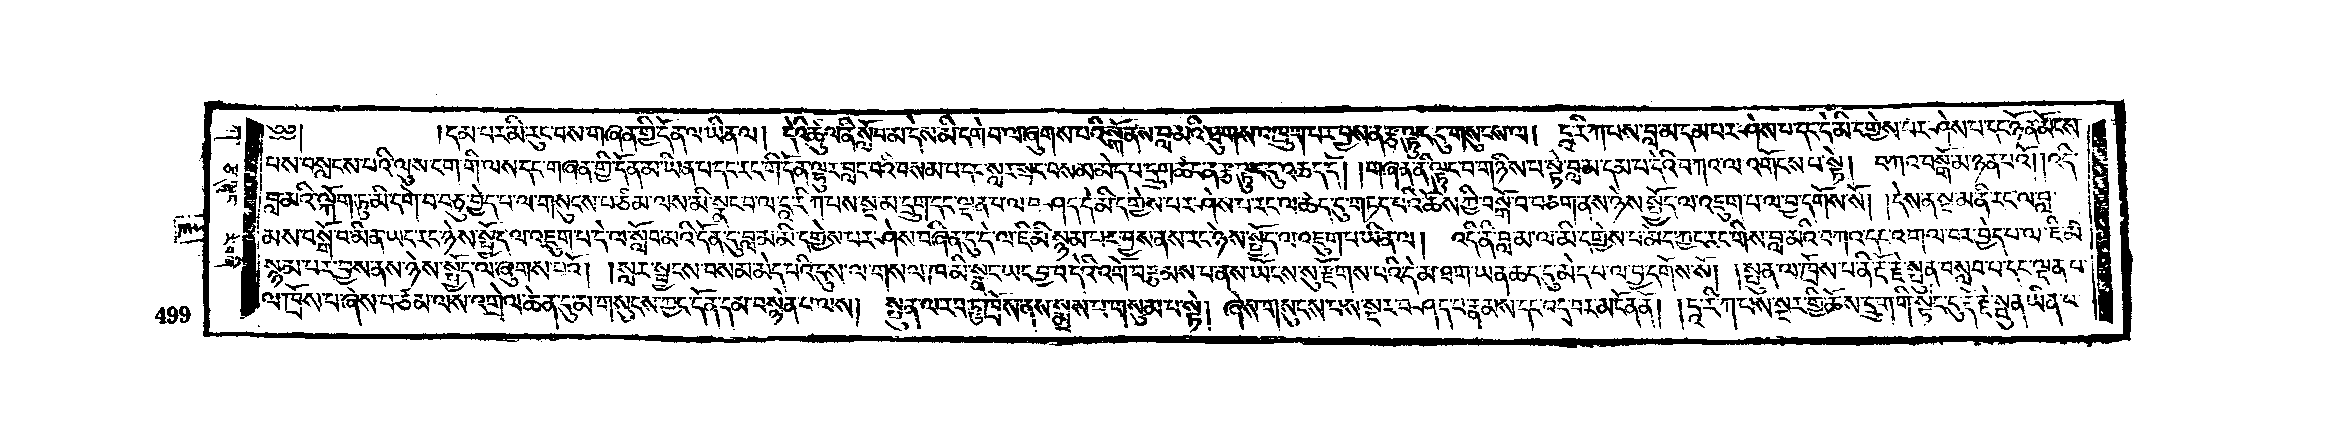༄༅། །དམ་པར་མི་རུང་བས་གཞན་གྱི་དོན་ལ་ཡིན་ལ། དེའི་ཚུལ་ནི་སློབ་མ་དེས་མི་དགེ་བ་ལ་ཞུགས་པའི་སྒོ་ནས་བླ་མའི་ཐུགས་འཁྲུག་པར་བྱས་ན་རྩ་ལྟུང་དུ་གསུངས་ལ། དཱ་རི་ཀ་པས་བླ་མ་དམ་པར་ཤེས་པ་དང་དེ་མི་དགྱེས་པར་ཤེས་པ་དང་ཉོན་མོངས་
པས་བསླངས་པའི་ལུས་ངག་གི་ལས་དང་གཞན་གྱི་དོན་མ་ཡིན་པ་དང་རང་གི་དོན་ལྷུར་བླང་བའི་བསམ་པ་དང་སླར་སྐད་བསམ་མེད་པ་དྲུག་ཚང་ན་རྩ་ལྟུང་དུ་འཆད་དོ། །གཞན་ནི་ལྟུང་བ་གཉིས་པ་སྟེ་བླ་མ་དམ་པ་དེའི་བཀའ་ལ་འགོངས་པ་སྟེ། བཀའ་བསྒོ་མ་ཉན་པའོ། །འདི་
བླ་མའི་ལྐོག་ཏུ་མི་དགེ་བ་བཅུ་བྱེད་པ་ལ་གསུངས་པ་ཙམ་ལས་མི་སྣང་བ་ལ་དཱ་རི་ཀ་པས་སྔ་མ་དྲུག་དང་ལྡན་པ་ལ་བཤད་དེ་མི་དགྱེས་པར་ཤེས་པ་རང་ལ་ཆེད་དུ་གཏད་པའི་ཆོས་ཀྱི་བསྒོ་བ་བཅག་ནས་ཉེས་སྤྱོད་ལ་འཇུག་པ་ལ་བྱ་དགོས་སོ། །དེས་ན་སྔ་མ་ནི་རང་ལ་བླ་
མས་བསྒོ་བ་མིན་ཡང་རང་ཉེས་སྤྱོད་ལ་འཇུག་པ་དེ་ལ་སློབ་མའི་དོན་དུ་བླ་མ་མི་དགྱེས་པར་ཤེས་བཞིན་དུ་དེ་ལ་ཇི་མི་སྙམ་པར་བྱས་ནས་རང་ཉེས་སྤྱོད་ལ་འཇུག་པ་ཡིན་ལ། འདི་ནི་བླ་མ་ལ་མི་དགྱེས་པ་མེད་ཀྱང་རང་གིས་བླ་མའི་བཀའ་དང་འགལ་བར་བྱེད་པ་ལ་ཇི་མི་
སྙམ་པར་བྱས་ནས་ཉེས་སྤྱོད་ལ་ཞུགས་པའོ། །སླར་སྦྱངས་བསམ་མེད་པའི་དུས་ལ་གསལ་ཁ་མི་སྣང་ཡང་བྱ་བ་དེའི་འགོ་བརྩམས་པ་ནས་ཡོངས་སུ་རྫོགས་པའི་དེ་མ་ཐག་ཡན་ཆད་དུ་མེད་པ་ལ་བྱ་དགོས་སོ། །སྤུན་ལ་ཁྲོས་པ་ནི་རྡོ་རྗེ་སྤུན་བསླབ་པ་དང་ལྡན་པ་
ལ་ཁྲོས་པ་ཞེས་པ་ཙམ་ལས་འགྲེལ་ཆེན་དུ་མ་གསུངས་ཀྱང་དོན་དམ་བསྙེན་པ་ལས། སྤུན་ལ་རབ་ཏུ་ཁྲོས་ནས་སྨྲས་པ་གསུམ་པ་སྟེ། ཞེས་གསུངས་པས་སྔར་བཤད་པ་རྣམས་དང་འདྲ་བར་མངོན་ནོ། །དཱ་རི་ཀ་པས་སྔར་གྱི་ཆོས་དྲུག་གི་སྟེང་དུ་རྡོ་རྗེ་སྤུན་ཡིན་པ་